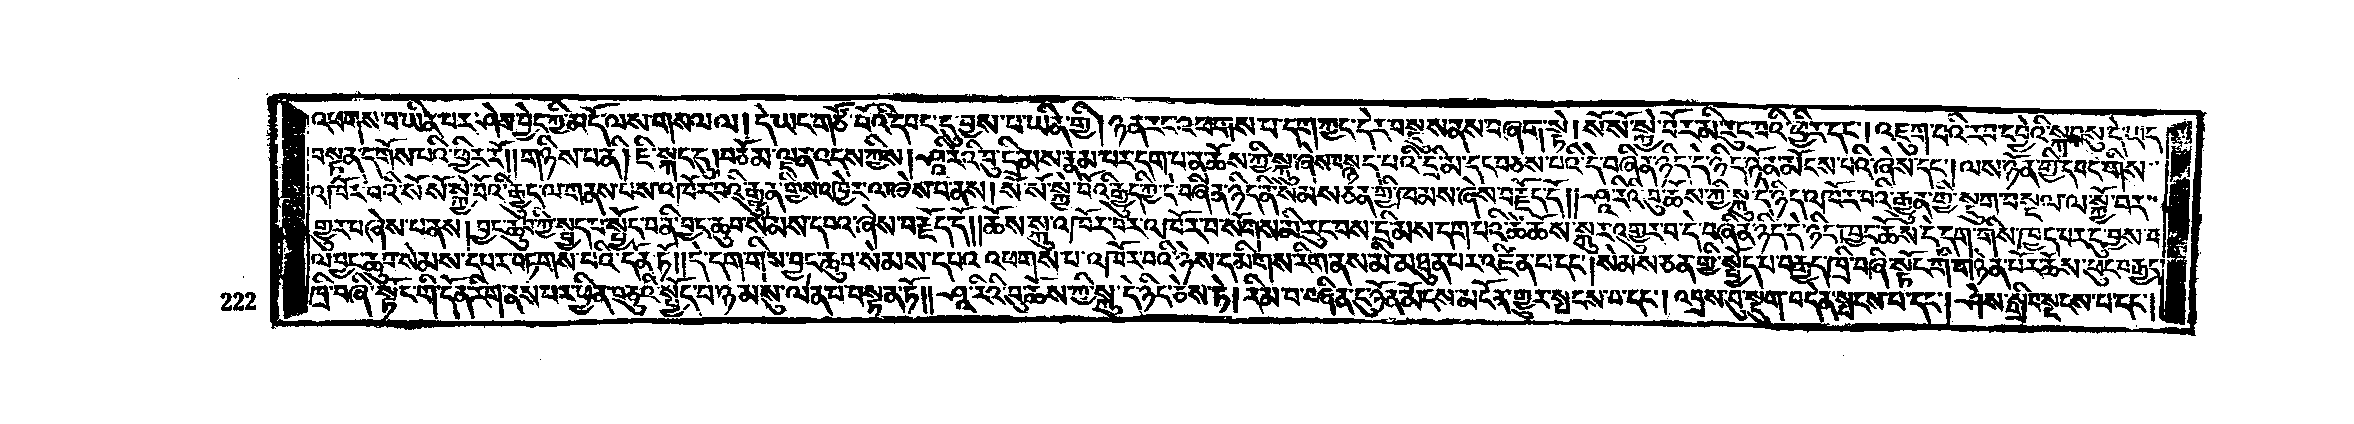འཕགས་པ་ཡིན་པར་ཤེས་བྱེད་ཀྱི་མདོ་ལས་གསལ་ལ། དེ་ཡང་གཙོ་བོའི་དབང་དུ་བྱས་པ་ཡིན་གྱི་།ཉན་རང་འཕགས་པ་དག་ཀྱང་དེར་བསྡུས་ནས་བཞག་སྟེ། སོ་སོ་སྐྱེ་བོར་མི་རུང་བའི་ཕྱིར་དང་། འཇུག་པའི་རབ་དབྱེའི་སྐབས་སུ་དེ་ཡང་
བསྟན་དགོས་པའི་ཕྱིར་རོ། །གཉིས་པ་ནི། ཇི་སྐད་དུ། བཅོམ་ལྡན་འདས་ཀྱིས། ཤཱ་རིའི་བུ་དྲི་མས་རྣམ་པར་དག་པ་ན་ཆོས་ཀྱི་སྐུ་ཞེས་བསྙད་པའི་དྲི་མ་དང་བཅས་པའི་དེ་བཞིན་ཉིད་དེ་ཉིད་ཉོན་མོངས་པའི་ཞེས་དང་། ལས་ཉོན་གྱི་དབང་གིས་
འཁོར་བའི་སོ་སོ་སྐྱེ་བའི་རྒྱུད་ལ་གནས་པས་འཁོར་བའི་རྒྱུན་གྱིས་འཁྱེར་ལ་ཞེས་པ་ནས། སོ་སོ་སྐྱེ་བོའི་རྒྱུད་ཀྱི་དེ་བཞིན་ཉིད་ནི་སེམས་ཅན་གྱི་ཁམས་ཞེས་བརྗོད་དོ། །ཤཱ་རིའི་བུ་ཆོས་ཀྱི་སྐུ་དེ་ཉིད་འཁོར་བའི་རྒྱུན་གྱི་སྡུག་བསྔལ་ལ་སྐྱོ་བར་
གྱུར་པ་ཞེས་པ་ནས། བྱང་ཆུབ་ཀྱི་སྤྱད་པ་སྤྱོད་པ་ནི་བྱང་ཆུབ་སེམས་དཔའ་ཞེས་བརྗོད་དོ། །ཆོས་སྐུ་འཁོར་བར་འཁོར་བ་སོགས་མི་རུང་བས་དྲི་མས་དག་པའི་ཚེ་ཆོས་སྐུར་འགྱུར་བ་དེ་བཞིན་ཉིད་དེ་ཉིད་ཁྱད་ཆོས་དེ་དག་གིས་ཁྱད་པར་དུ་བྱས་པ་
ལ་བྱང་ཆུབ་སེམས་དཔར་བཏགས་པའི་དོན་ཏོ། །དེ་དག་གིས་བྱང་ཆུབ་སེམས་དཔའ་འཕགས་པ་འཁོར་བའི་ཉེས་དམིགས་རིག་ནས་མི་མཐུན་པར་འཛིན་པ་དང་། སེམས་ཅན་གྱི་སྤྱོད་པ་བརྒྱད་ཁྲི་བཞི་སྟོང་གི་གཉེན་པོར་ཆོས་ཕུང་བརྒྱད་
ཁྲི་བཞི་སྟོང་གི་དོན་རིག་ནས་པར་ཕྱིན་བཅུའི་སྤྱོད་པ་ཉམ་སུ་ལེན་པ་བསྟན་ཏོ། །ཤཱ་རིའི་བུ་ཆོས་ཀྱི་སྐུ་དེ་ཉིད་ཅེས་ཏེ། རིམ་པ་བཞིན་དུ་ཉོན་མོངས་མངོན་གྱུར་སྤངས་པ་དང་། འབྲས་བུ་སྡུག་བདེན་སྤངས་པ་དང་། ཤེས་སྒྲིབ་སྡངས་པ་དང་།